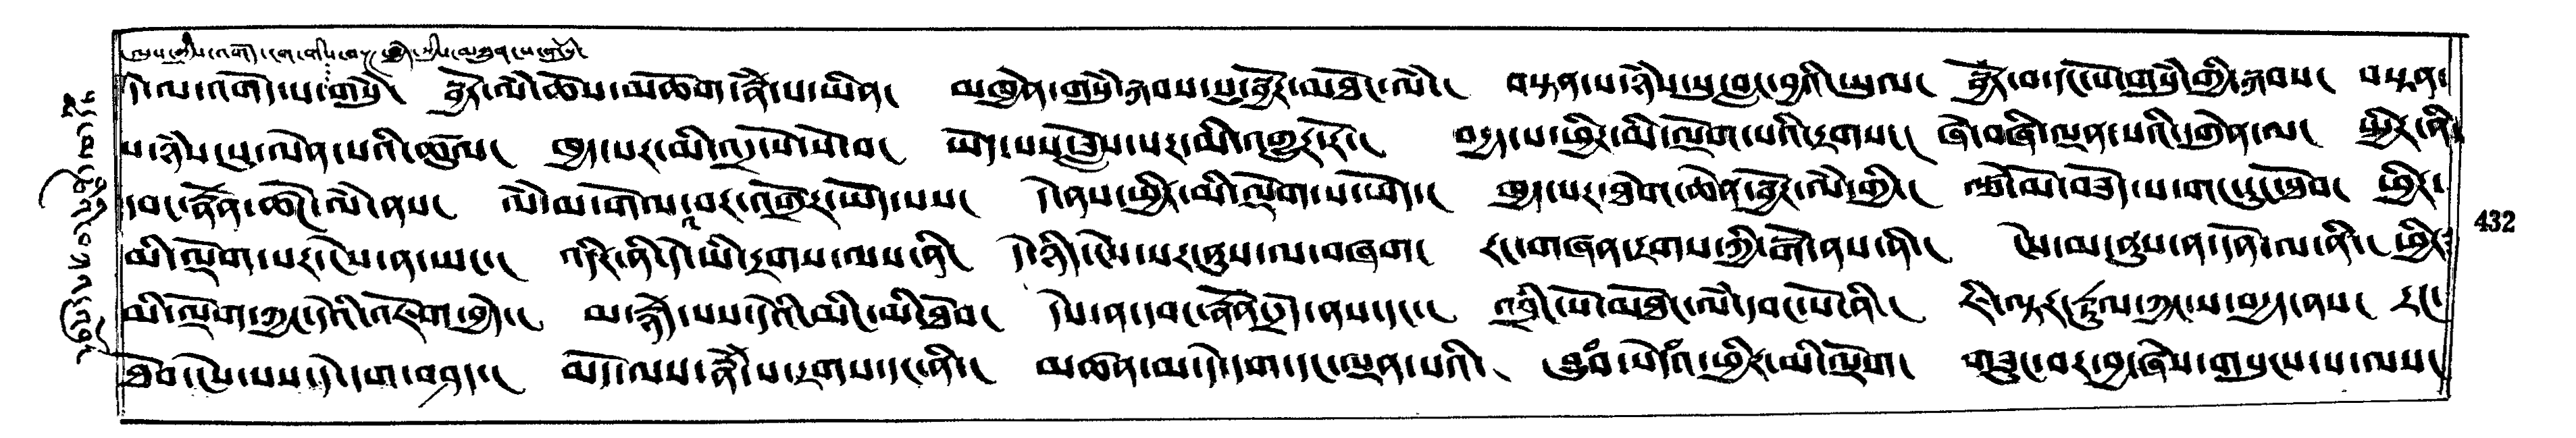དེ་ལ་འགོད་པ་ལུས་གྱིས་འགོད་ངག་གིས་བསྔགས་ཡིད་ཀྱིས་མཐུན་པ་གསུམ། གསུམ། །སྦྱོར་ལམ་ཆོས་མཆོག་རྣམ་པ་ཡིན། །མཁྱེན་གསུམ་སྐབས་སུ་སྦྱོར་མཐོང་ལམ། །བསྟན་
པ་ཉམས་སུ་བླང་བྱའི་ཡུལ། །སྦྱོར་བ་དང་པོ་གསུམ་གྱི་སྐབས། །བསྟན་པ་ཉམས་སུ་ལེན་པའི་ཚུལ། །ཁྱད་པར་མི་འདྲ་སོ་སོ་བ། །ཡོད་པས་ཟློས་པར་མི་འགྱུར་རོ། །བརྒྱད་པ་ཕྱིར་མི་ལྡོག་པའི་རྟགས། །ཞེ་བཞི་ལྡན་པའི་དགེ་འདུན་ལ། །སྤྱིར་ནི་
དབང་རྣོན་ཚོགས་ལམ་ནས། །ལམ་མ་གོལ་བར་འགྲོར་ཡོད་པས། །དེ་ནས་ཕྱིར་མི་ལྡོག་པ་ཡོད། ཁྱད་པར་ཐེག་ཆེན་སྦྱོར་ལམ་གྱི། །རྩེ་མོ་བཟོད་པ་གང་རུང་ཐོབ། །ཕྱིར་
མི་ལྡོག་པར་ངེས་ན་ཡང་། །འདིར་ནི་དེ་ཡི་རྟགས་ལས་ནི། །དེ་ཉིད་ངེས་པར་ནུས་ལ་བཞག །རང་གཞན་རྟགས་ཀྱི་སྒོ་ནས་ནི། །ངེས་མ་ནུས་ན་དོན་ལ་ནི། །ཕྱིར་
མི་ལྡོག་ཀྱང་དེའི་འཇོག་བྱེད། །མ་རྙེད་པས་དེའི་མིང་མི་ཐོབ། །དེས་ན་དབང་རྣོན་དྲོད་ནས་དང་། །འབྲིང་པོ་མཐོང་ལམ་དབང་པོ་ནི། །ཇི་ལྟར་རྟུལ་ཀྱང་ས་བརྒྱད་ནས། །རྟགས་
ཐོབ་ངེས་པས་དེ་དག་བཤད། །མདོ་ལས་རྣམ་པ་རྟགས་དང་ནི། །མཚན་མ་དེ་དག་དང་ལྡན་པའི། །བྱང་ཆུབ་སེམས་དཔའ་ཕྱིར་མི་ལྡོག།གཟུང་བར་བྱ་ཞེས་གསུངས་པ་ལས། །